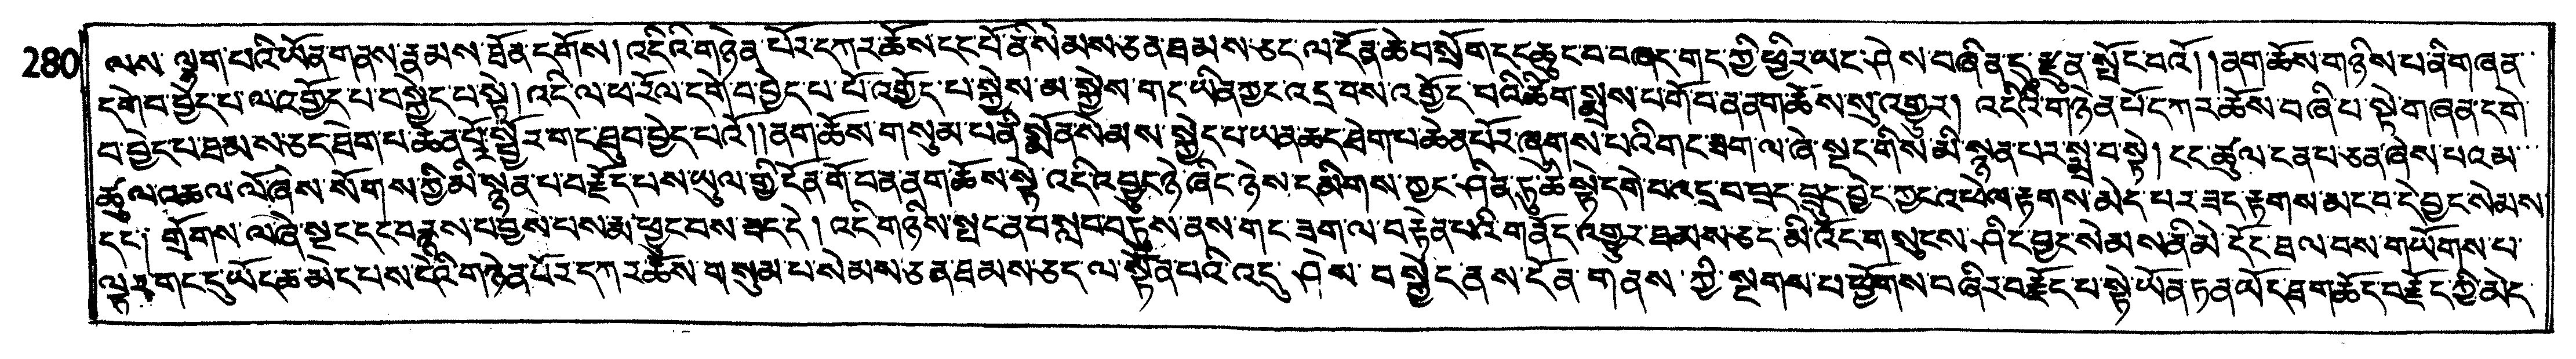ལས་ལྷག་པའི་ཡོན་གནས་རྣམས་ཐོན་དགོས། འདིའི་གཉེན་པོར་དཀར་ཆོས་དང་པོ་ནི་སེམས་ཅན་ཐམས་ཅད་ལ་དོན་ཆེ་བ་སྲོག་དང་ཆུང་བ་བཞད་གང་ཀྱི་ཕྱིར་ཡང་ཤེས་བཞིན་དུ་རྫུན་སྤོང་བའོ། །ནག་ཆོས་གཉིས་པ་ནི་གཞན་
དགེ་བ་བྱེད་པ་ལ་འགྱོད་པ་བསྐྱེད་པ་སྟེ། འདི་ལ་ཕ་རོལ་དགེ་བ་བྱེད་པ་པོ་འགྱོད་པ་སྐྱེས་མ་སྐྱེས་གང་ཡིན་ཀྱང་འདྲ་བས་འགྱོད་པའི་ཚིག་སྨྲས་པ་གོ་བ་ན་ནག་ཆོས་སུ་འགྱུར། འདིའི་གཉེན་པོ་དཀར་ཆོས་བཞི་པ་སྟེ་གཞན་དགེ་
བ་བྱེད་པ་ཐམས་ཅད་ཐེག་པ་ཆེན་པོར་སྦྱོར་གང་ཐུབ་བྱེད་པའོ། །ནག་ཆོས་གསུམ་པ་ནི་སྨོན་སེམས་སྐྱེད་པ་ཡན་ཆད་ཐེག་པ་ཆེན་པོར་ཞུགས་པའི་གང་ཟག་ལ་ཞེ་སྡང་གིས་མི་སྙན་པར་སྨྲ་བ་སྟེ། ངང་ཚུལ་ངན་པ་ཅན་ཞེས་པའམ་
ཚུལ་འཆལ་ལོ་ཞེས་སོགས་ཀྱི་མི་སྙན་པ་བརྗོད་པས་ཡུལ་གྱི་དོན་གོ་བན་ནག་ཆོས་སྟེ་འདི་འབྱུང་ཉེ་ཞིང་ཉེས་དམིགས་ཀྱང་ཤིན་ཏུ་ཆེ་སྟེ་དགེ་བ་འདྲ་བ་བྲད་བྲུད་བྱེད་ཀྱང་འཕེལ་རྟགས་མེད་པར་ཟད་རྟགས་མང་བ་དེ་བྱང་སེམས་
དང༑ གྲོགས་ལ་ཞེ་སྡང་དང་བརྙས་པ་བྱས་པས་རྨ་ཕྱུང་བས་ཟད་དེ། འདི་གཉིས་སྤང་ན་བསླབ་བཏུས་ནས་གང་ཟག་ལ་བརྟེན་པའི་གནོད་འགྱུར་ཐམས་ཅད་མི་འོང་གསུངས་ཤིང་བྱང་སེམས་ནི་མེ་དོང་ཐལ་བས་གཡོགས་པ་
ལྟར་གང་དུ་ཡོད་ཆ་མེད་པས་དེའི་གཉེན་པོར་དཀར་ཆོས་གསུམ་པ་སེམས་ཅན་ཐམས་ཅད་ལ་སྟོན་པའི་འདུ་ཤེས་བསྐྱེད་ནས་དོན་གནས་ཀྱི་སྔགས་པ་ཕྱོགས་བཞིར་བརྗོད་པ་སྟེ་ཡོན་ཏན་ཡོད་ཐག་ཆོད་བརྗོད་ཀྱི་མེད་